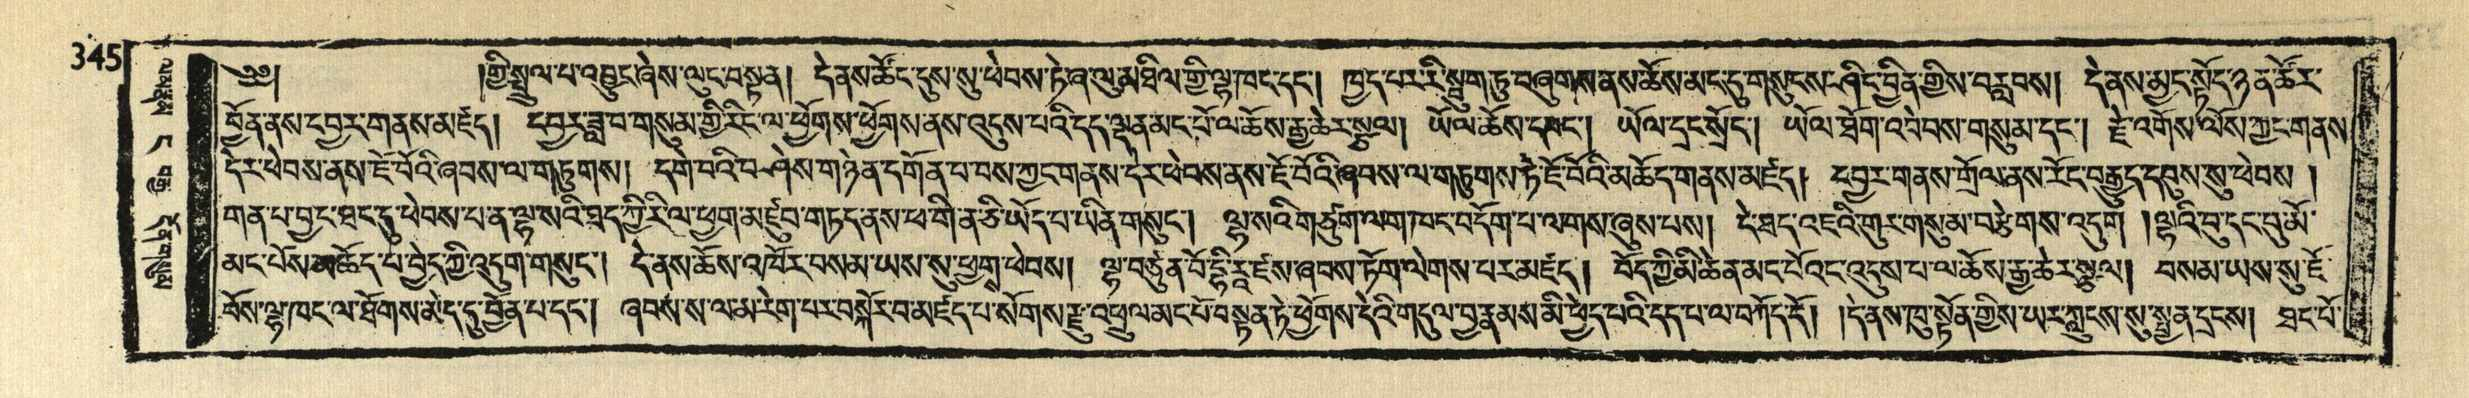༄༅། །གྱི་སྤྲུལ་པ་འབྱུང་ཞེས་ལུང་བསྟན། དེ་ནས་ཚོང་དུས་སུ་ཕེབས་ཏེ་ཞ་ལུ་མཐིལ་གྱི་ལྷ་ཁང་དང་། ཁྱད་པར་རི་སྦུག་ཏུ་བཞུགས་ནས་ཆོས་མང་དུ་གསུངས་ཤིང་བྱིན་གྱིས་བརླབས། དེ་ནས་མྱང་སྟོད་ཉན་ཚོར་
བྱོན་ནས་དབྱར་གནས་མཛད། དབྱར་ཟླ་བ་གསུམ་གྱི་རིང་ལ་ཕྱོགས་ཕྱོགས་ནས་འདུས་པའི་དད་ལྡན་མང་པོ་ལ་ཆོས་རྒྱ་ཆེར་སྩལ། ཡོལ་ཆོས་དབང་། ཡོལ་དྲང་སྲོང་། ཡོལ་ཐོག་འབེབས་གསུམ་དང་། རྗེ་འགོས་ལོས་ཀྱང་གནས་
དེར་ཕེབས་ནས་ཇོ་བོའི་ཞབས་ལ་གཏུགས། དགེ་བའི་བཤེས་གཉེན་དགོན་པ་བས་ཀྱང་གནས་དེར་ཕེབས་ནས་ཇོ་བོའི་ཞབས་ལ་གཏུགས་ཏེ་ཇོ་བོའི་མཆོད་གནས་མཛད། དབྱར་གནས་གྲོལ་ནས་རོང་བརྒྱུད་དབུས་སུ་ཕེབས།
གན་པ་བྱང་ཐང་དུ་ཕེབས་པ་ན་ལྷ་སའི་ཐད་ཀྱི་རི་ལ་ཕྱག་མཛུབ་གཏད་ནས་ཕ་གི་ན་ཅི་ཡོད་པ་ཡིན་གསུང་། ལྷ་སའི་གཙུག་ལག་ཁང་བདོག་པ་ལགས་ཞུས་པས། དེ་ཐད་འཇའི་གུར་གསུམ་བརྩེགས་འདུག །ལྷའི་བུ་དང་བུ་མོ་
མང་པོས་མཆོད་པ་བྱེད་ཀྱི་འདུག་གསུང་། དེ་ནས་ཆོས་འཁོར་བསམ་ཡས་སུ་ཕྱགས་ཕེབས། ལྷ་བཙུན་བོ་དྷི་རཱ་ཛས་ཞབས་ཏོག་ལེགས་པར་མཛད། བོད་ཀྱི་མི་ཆེན་མང་པོའང་འདུས་པ་ལ་ཆོས་རྒྱ་ཆེར་སྩལ། བསམ་ཡས་སུ་ཇོ་
བོས་ལྷ་ཁང་ལ་ཐོགས་མེད་དུ་བྱོན་པ་དང་། ཞབས་ས་ལ་མ་རེག་པར་བསྐོར་བ་མཛད་པ་སོགས་རྫུ་འཕྲུལ་མང་པོ་བསྟན་ཏེ་ཕྱོགས་དེའི་གདུལ་བྱ་རྣམས་མི་ཕྱེད་པའི་དད་པ་ལ་བཀོད་དོ། །དེ་ནས་ཁུ་སྟོན་གྱིས་ཡར་ཀླུངས་སུ་སྤྱན་དྲངས། ཐང་པོ་